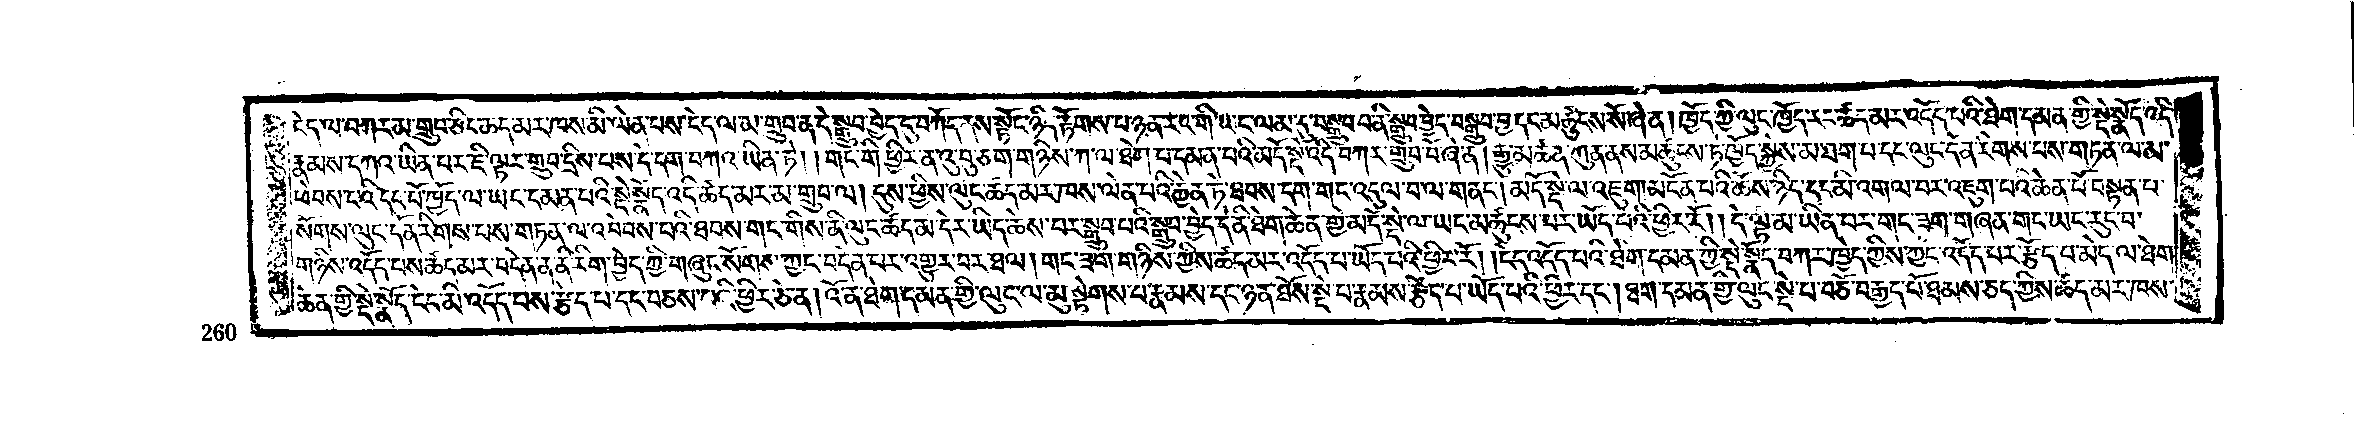ངེད་ལ་བཀར་མ་གྲུབ་ཅིང་ཆད་མར་ཁས་མི་ལེན་པས་ངེད་ལ་མ་གྲུབ་ན་དེ་སྒྲུབ་བྱེད་དུ་བཀོད་ནས་སྟོང་ཉིད་རྟོགས་པ་ཉན་རང་གི་ཡང་ལམ་དུ་བསྒྲུབ་པ་ནི་སྒྲུབ་བྱེད་བསྒྲུབ་བྱ་དང་མཚུངས་སོ་ཞེ་ན། ཁྱོད་ཀྱི་ལུང་ཁྱོད་རང་ཚད་མར་འདོད་པའི་ཐེག་དམན་གྱི་སྡེ་སྣོད་འདི་
རྣམས་དཀའ་ཡིན་པར་ཇི་ལྟར་གྲུབ་དྲིས་པས་དེ་དག་བཀའ་ཡིན་ཏེ། །གང་གི་ཕྱིར་ན་འུ་བུ་ཅག་གཉིས་ཀ་ལ་ཐེག་པ་དམན་པའི་མདོ་སྡེ་འདི་བཀར་གྲུབ་པ་ཞེ་ན། རྒྱུ་མཚན་ཀུན་ནས་མཚུངས་ཏེ་ཁྱོད་སྐྱེས་མ་ཐག་པ་དང་ལུང་དོན་རིགས་པས་གཏན་ལ་མ་
ཕེབས་པའི་དང་པོ་ཁྱོད་ལ་ཡང་དམན་པའི་སྡེ་སྣོད་འདི་ཚད་མར་མ་གྲུབ་ལ། དུས་ཕྱིས་ལུང་ཚད་མར་ཁས་ལེན་པའི་རྐྱེན་ཏེ་ཐབས་དག་གང་འདུལ་བ་ལ་གནང་། མདོ་སྡེ་ལ་འཇུག་མངོན་པའི་ཆོས་ཉིད་དང་མི་འགལ་བར་འཇུག་པའི་ཆེན་པོ་བསྟན་པ་
སོགས་ལུང་དོན་རིགས་པས་གཏན་ལ་འབེབས་པའི་ཐབས་གང་གིས་ནི་ལུང་ཚད་མ་དེར་ཡིད་ཆེས་པར་སྒྲུབ་པའི་སྒྲུབ་བྱེད་དེ་ནི་ཐེག་ཆེན་གྱི་མདོ་སྡེ་ལ་ཡང་མཚུངས་པར་ཡོད་པའི་ཕྱིར་རོ། །དེ་ལྟ་མ་ཡིན་པར་གང་ཟག་གཞན་གང་ཡང་རུང་བ་
གཉིས་འདོད་པས་ཚད་མར་བདེན་ན་ནི་རིག་བྱེད་ཀྱི་གཞུང་སོགས་ཀྱང་བདེན་པར་འགྱུར་བར་ཐལ། གང་ཟག་གཉིས་ཀྱིས་ཚད་མར་འདོད་པ་ཡོད་པའི་ཕྱིར་རོ། །ངེད་འདོད་པའི་ཐེག་དམན་གྱི་སྡེ་སྣོད་བཀར་ཁྱེད་ཀྱིས་ཀྱང་འདོད་པར་རྩོད་པ་མེད་ལ་ཐེག་
ཆེན་གྱི་སྡེ་སྣོད་དེང་མི་འདོད་པས་རྩེད་པ་དང་བཅས་པའི་ཕྱིར་ཅེ་ན། འོ་ན་ཐེག་དམན་གྱི་ལུང་ལ་མུ་སྟེགས་པ་རྣམས་དང་ཉན་ཐོས་སྡེ་པ་རྣམས་རྩེད་པ་ཡོད་པའི་ཕྱིར་དང་། ཐག་དམན་གྱི་ལུང་སྡེ་པ་བཅོ་བརྒྱད་པོ་ཐམས་ཅད་ཀྱིས་ཚད་མར་ཁས་